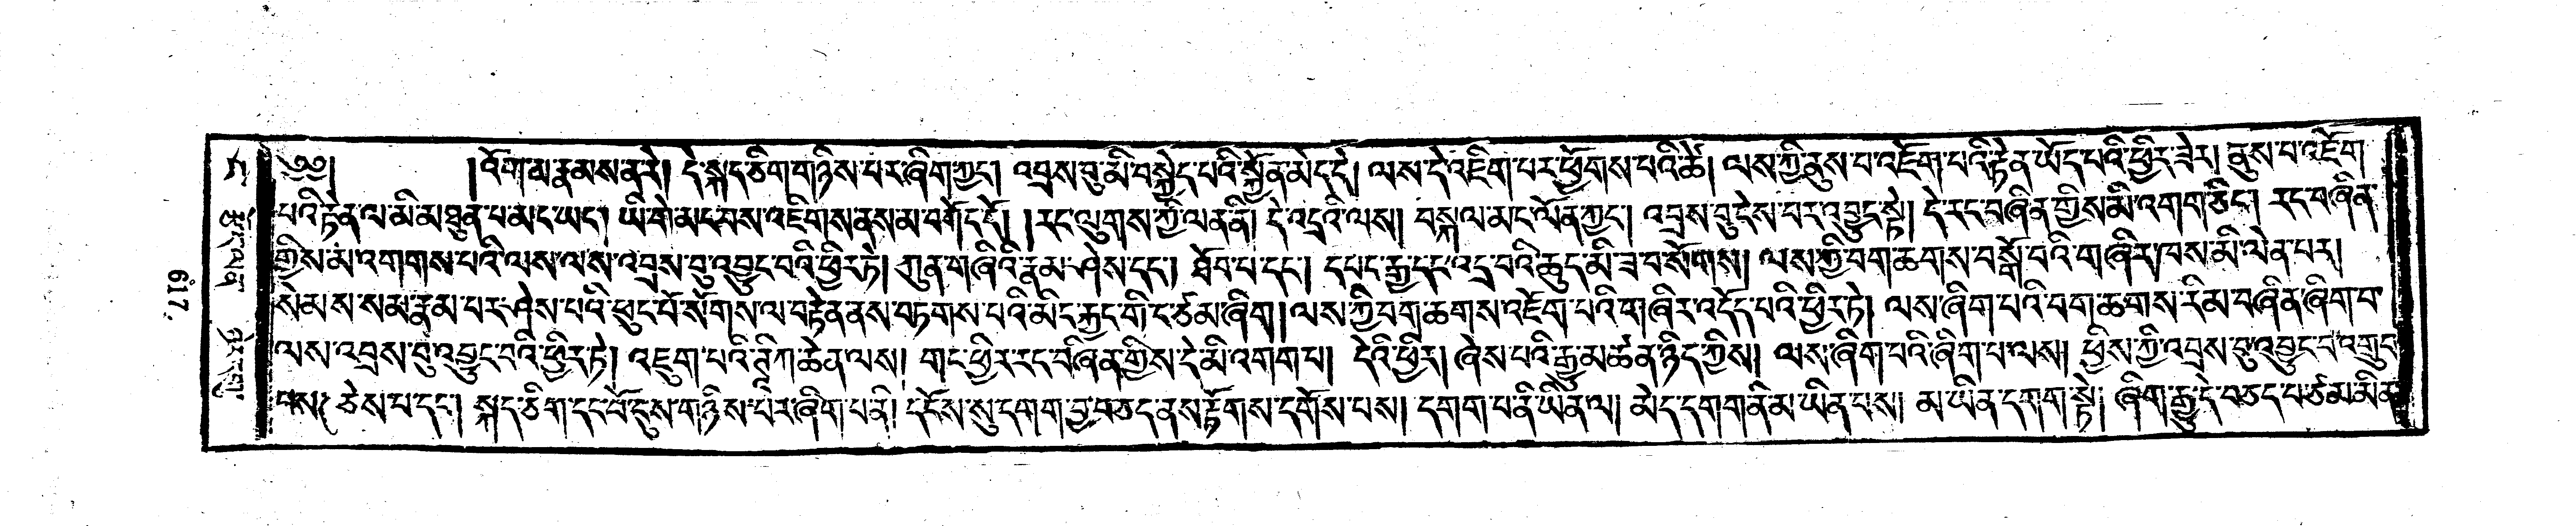༄༅། །འོག་མ་རྣམས་ན་རེ། དེ་སྐད་ཅིག་གཉིས་པར་ཞིག་ཀྱང་། འབྲས་བུ་མི་བསྐྱེད་པའི་སྐྱོན་མེད་དེ། ལས་དེ་འཇིག་པར་ཕྱོགས་པའི་ཚེ། ལས་ཀྱི་ནུས་པ་འཇོག་པའི་རྟེན་ཡོད་པའི་ཕྱིར་ཟེར། ནུས་པ་འཇོག་
པའི་རྟེན་ལ་མི་མཐུན་པ་མང་ཡང་། ཡི་གེ་མང་བས་འཇིགས་ནས་མ་བཀོད་དོ། །རང་ལུགས་ཀྱི་ལན་ནི། དེ་འདྲའི་ལས། བསྐལ་མང་ལོན་ཀྱང་། འབྲས་བུ་ངེས་པར་འབྱུང་སྟེ། དེ་རང་བཞིན་གྱིས་མི་འགག་ཅིང་། རང་བཞིན་
གྱིས་མ་འགགས་པའི་ལས་ལས་འབྲས་བུ་འབྱུང་བའི་ཕྱིར་ཏེ། ཀུན་གཞིའི་རྣམ་ཤེས་དང་། ཐོབ་པ་དང་། དཔང་རྒྱ་དང་འདྲ་བའི་ཆུད་མི་ཟ་བ་སོགས། ལས་ཀྱི་བག་ཆགས་བསྒོ་བའི་གཞིར་ཁས་མི་ལེན་པར།
སེམས་སམ་རྣམ་པར་ཤེས་པའི་ཕུང་པོ་སོགས་ལ་བརྟེན་ནས་བཏགས་པའི་མིང་རྐྱང་གི་ང་ཙམ་ཞིག །ལས་ཀྱི་བག་ཆགས་འཇོག་པའི་གཞིར་འདོད་པའི་ཕྱིར་ཏེ། ལས་ཞིག་པའི་བག་ཆགས་རིམ་བཞིན་ཞིག་པ་
ལས་འབྲས་བུ་འབྱུང་བའི་ཕྱིར་ཏེ། འཇུག་པའི་ཊཱིཀ་ཆེན་ལས། གང་ཕྱིར་རང་བཞིན་གྱིས་དེ་མི་འགག་པ། དེའི་ཕྱིར། ཞེས་པའི་རྒྱུ་མཚན་ཉིད་ཀྱིས། ལས་ཞིག་པའི་ཞིག་པ་ལས། ཕྱིས་ཀྱི་འབྲས་བུ་འབྱུང་བ་འགྲུབ་
པས༑ ཅེས་པ་དང་། སྐད་ཅིག་དང་པོ་དུས་གཉིས་པར་ཞིག་པ་ནི། དངོས་སུ་དགག་བྱ་བཅད་ནས་རྟོགས་དགོས་པས། དགག་པ་ནི་ཡིན་ལ། མེད་དགག་ནི་མ་ཡིན་པས། མ་ཡིན་དགག་སྟེ། ཞིག་རྒྱུ་དེ་བཅད་པ་ཙམ་མིན་